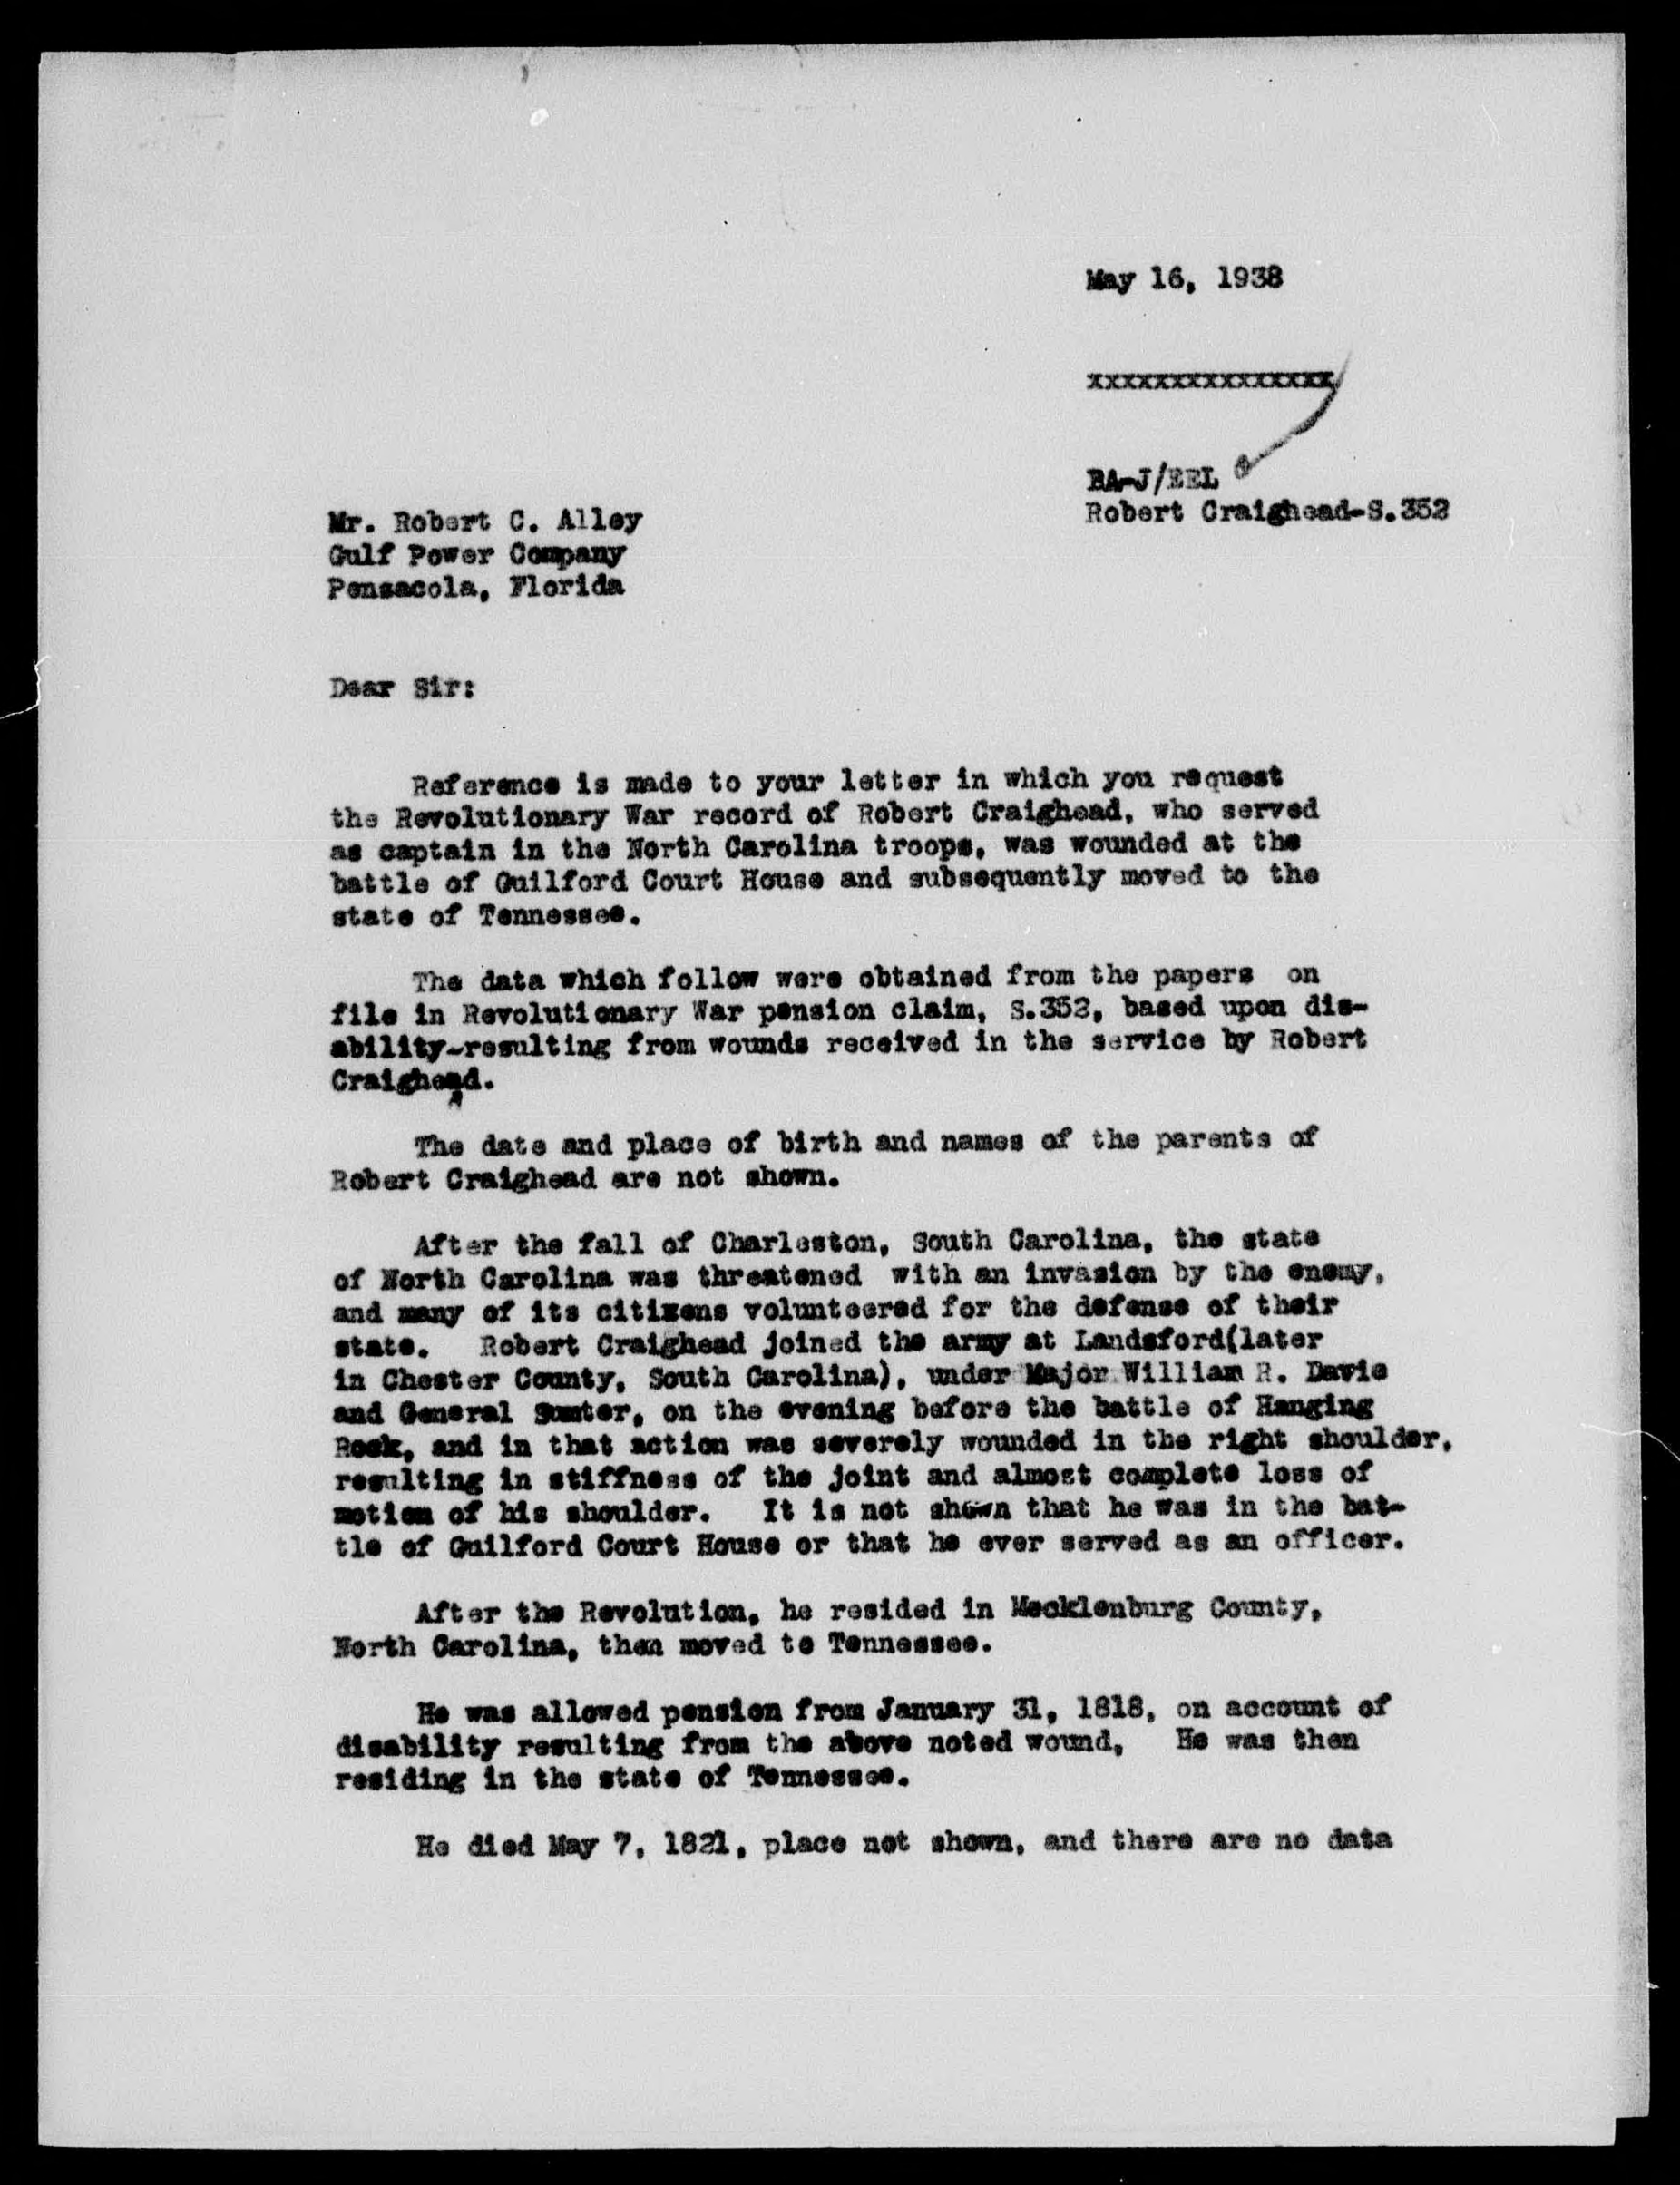May 16, 1938

XXXXXXXXX

Mr. Robert C. Alley
Gulf Power Company
Pensacola, Florida

Dear Sir:


BA-J/EEL 
Robert Craighead-S.352

Reference is made to your letter in which you request
the Revolutionary War record of Robert Craighead, who served
as captain in the North Carolina troops, was wounded at the
battle of Guilford Court House and subsequently moved to the
state of Tennessee.

The data which follow were obtained from the papers on
file in Revolutionary War pension claim, S.352, based upon dis
ability resulting from wounds received in the service by Robert
Craighead.

The date and place of birth and names of the parents of
Robert Craighead are not shown.

After the fall of Charleston, South Carolina, the state of
North Carolina was threatened with an invasion by the enemy,
and many of its citizens volunteered for the defense of their
state Robert Craighead joined the army at Landsford (later
in Chester County, South Carolina), under Major William R. Davie
and General Sumter, on the evening before the battle of Hanging
Rock, and in that action was severely wounded in the right shoulder,
resulting in stiffness of the joint and almost complete loss of
motion of his shoulder. It is not shown that he was in the battle
of Guilford Court House or that he ever served as an officer.

After the Revolution, he resided in Mecklenburg County,
North Carolina, then moved to Tennessee.

He was allowed pension from January 31, 1818, on account of
disability resulting from the above noted wound. He was then
residing in the state of Tennessee.

He died May 7, 1821, place not shown, and there are no data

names: Robert Craighead, Robert C Alley, William R Davie, Robert Craighead, Robert Craighead, Sumter, Robert Craighead, Robert Craighead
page: 8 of 26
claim: survivor's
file: S. 352, Robert Craighead, N.C.